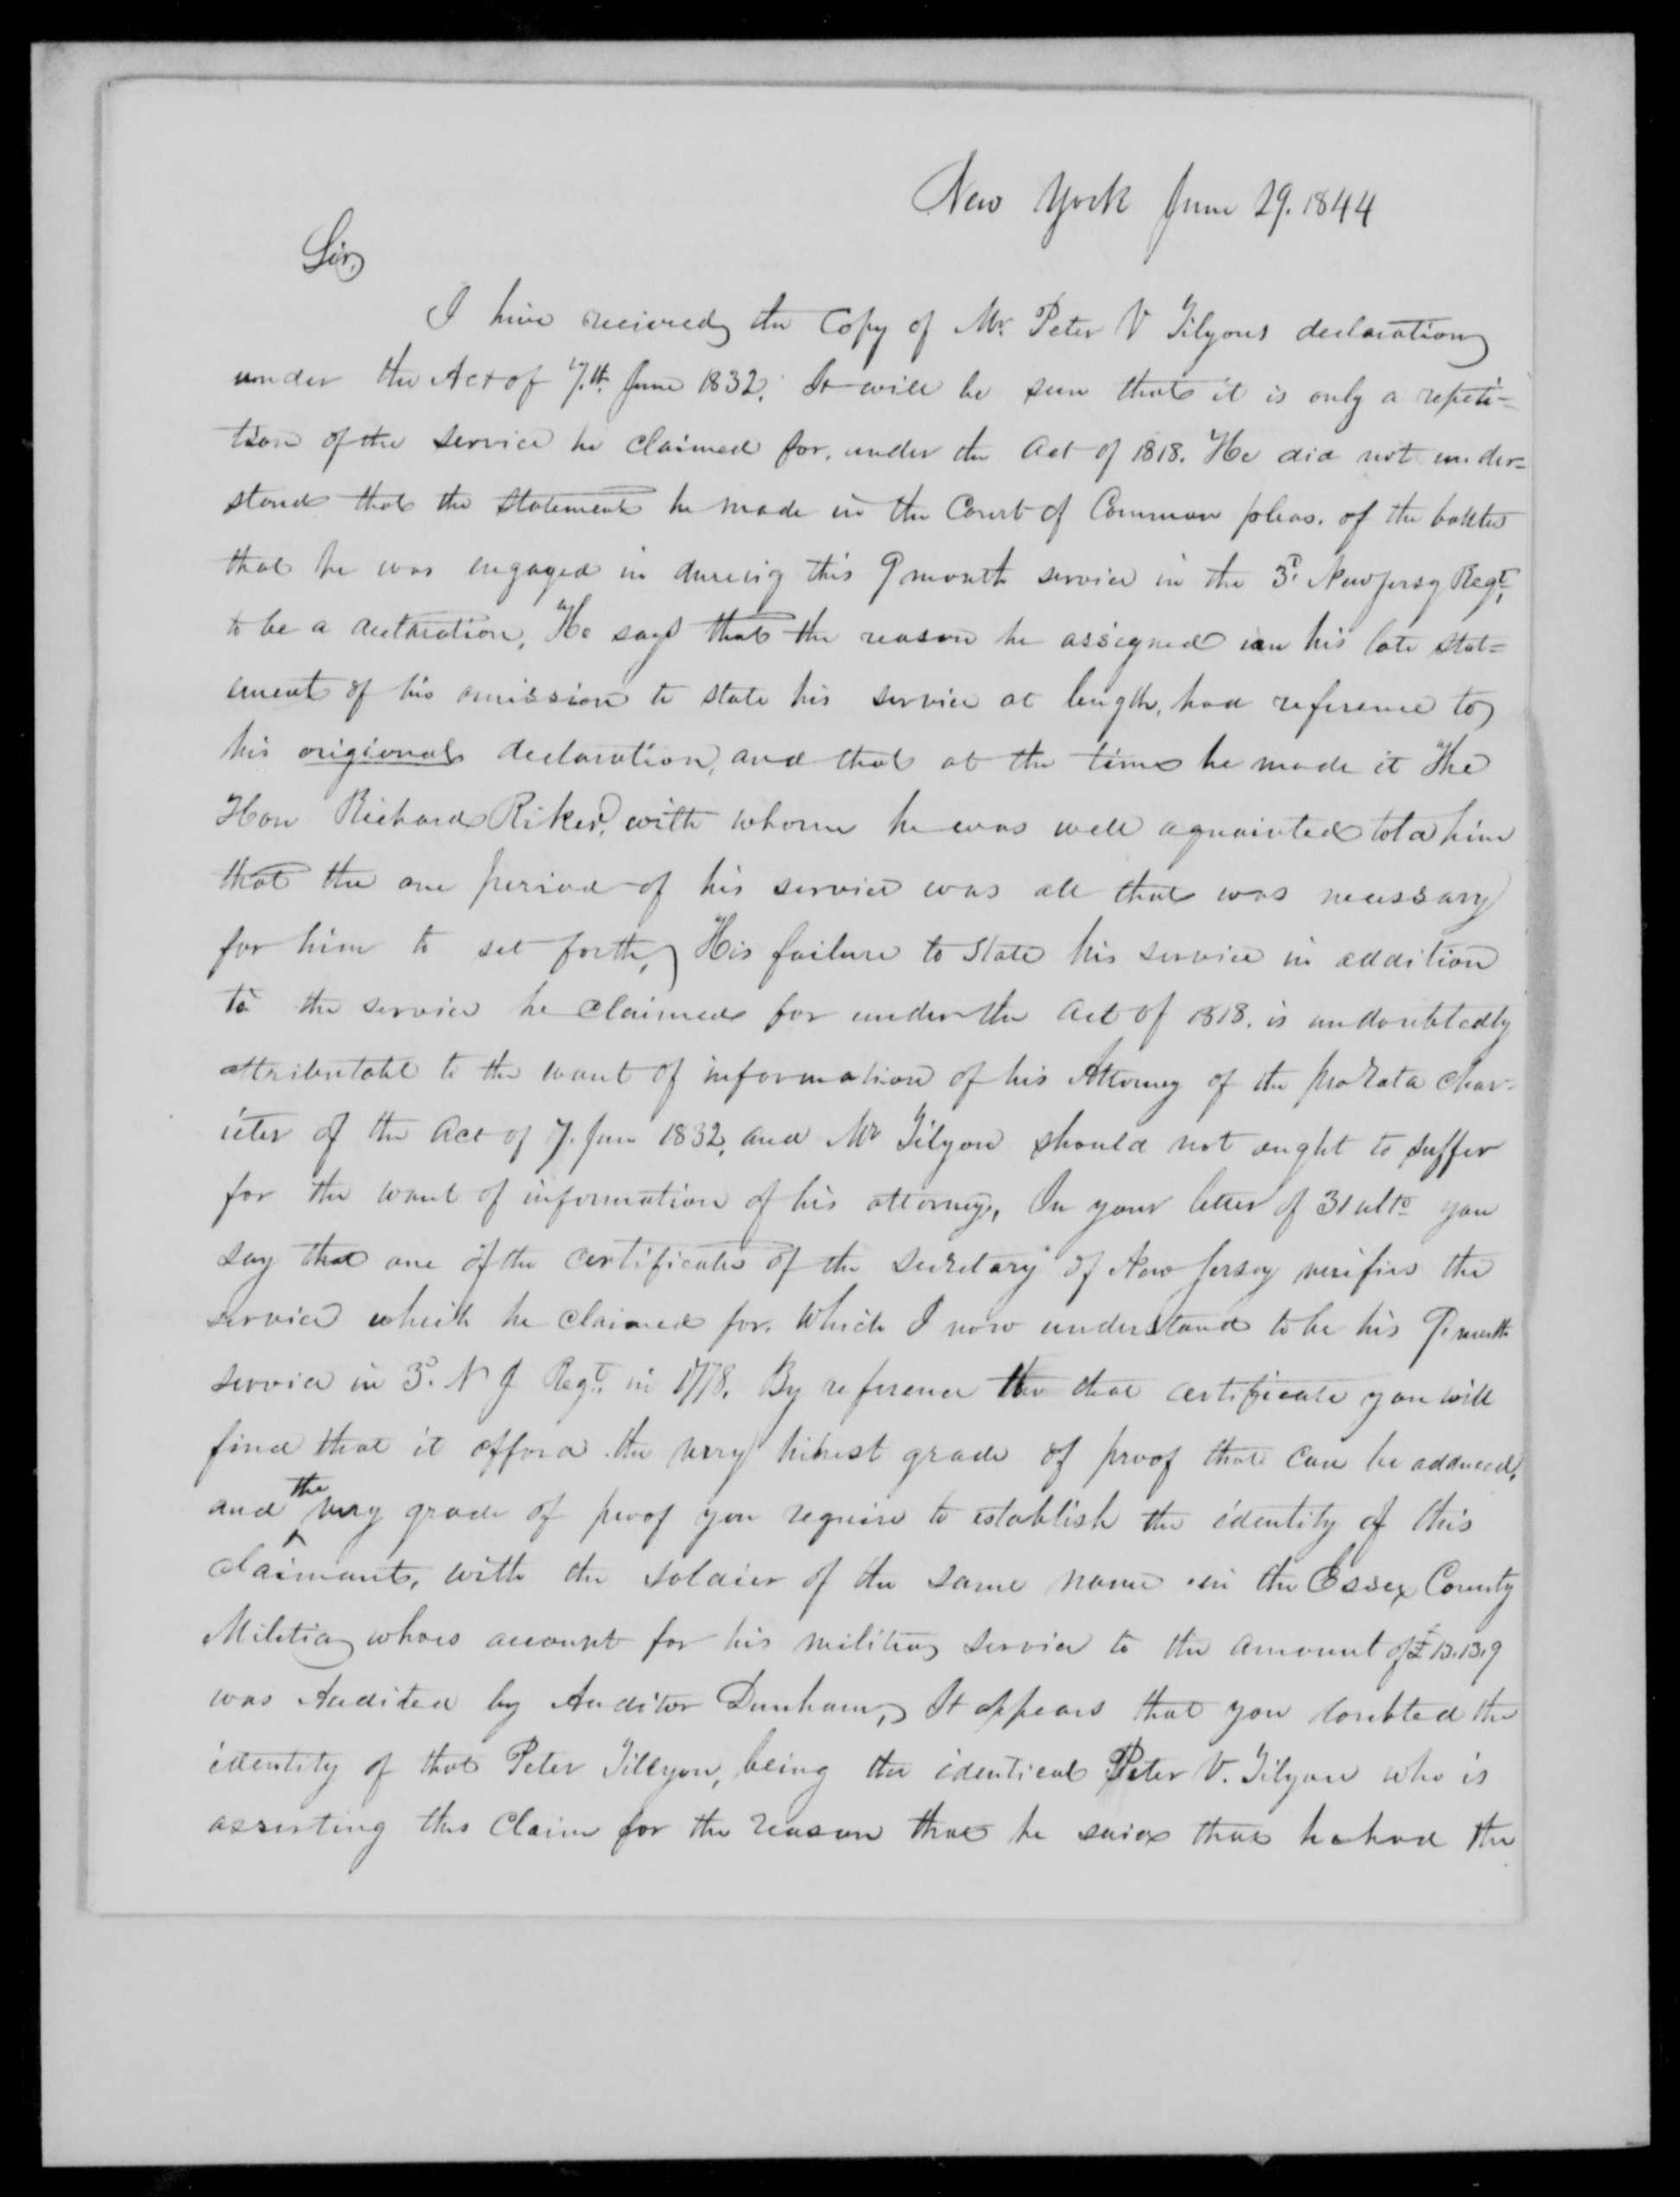New York June 29,1844
Sir,
I have received the copy of Mr. V Tilyous declaration under the Act of 7th June 1832. It will be seen that it is only a repetition of the service he claimed for under the Act of 1818. He did not understand that the statement he made in the Court of Common Pleas of the battles that he was engaged in during the 9 month service in the 3rd New Jersey Regt. to be a declaration. He says that the reason he assigned an his late statements of his omission to state his service at length, had reference to his original declaration, and that at the time he made it the Hon. Richard Riker, with whom he was well acquainted told him that the one period of his service was all that was necessary for him to set forth. His failure to state his service in addition to the service he claimed for under the Act of 1818, is undoubtedly attributed to the want of information of his Attorney of the prorata character of the Act of 7.June 1832. And Mr. Tilyou should not ought to suffer for the want of information of his attorney. In your letter of 31 ulto you say that one of the certificates of the Secretary of New Jersey verifies the service which he claimed for which I now understand to be his 9. month service in 3rd NJ Regt. in 1778. By reference then that certificate you will find that it affords the very hihest [highest] grade of proof that can be adduced, and the very grade of proof you require to establish the identity of this claimant, with the soldier of the same name in the Essex County Militia whose account for his military service to the amount of 13.13.9 was audited  by Auditor Dunham, It appears that you doubted the identity of that Peter Tillyou, being the identical Peter V. Tilyou who is asserting this claim for the reason that he seems that he had the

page: 88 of 101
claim: widow's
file: W. 25481, for Peter V Tilyou, New Jersey